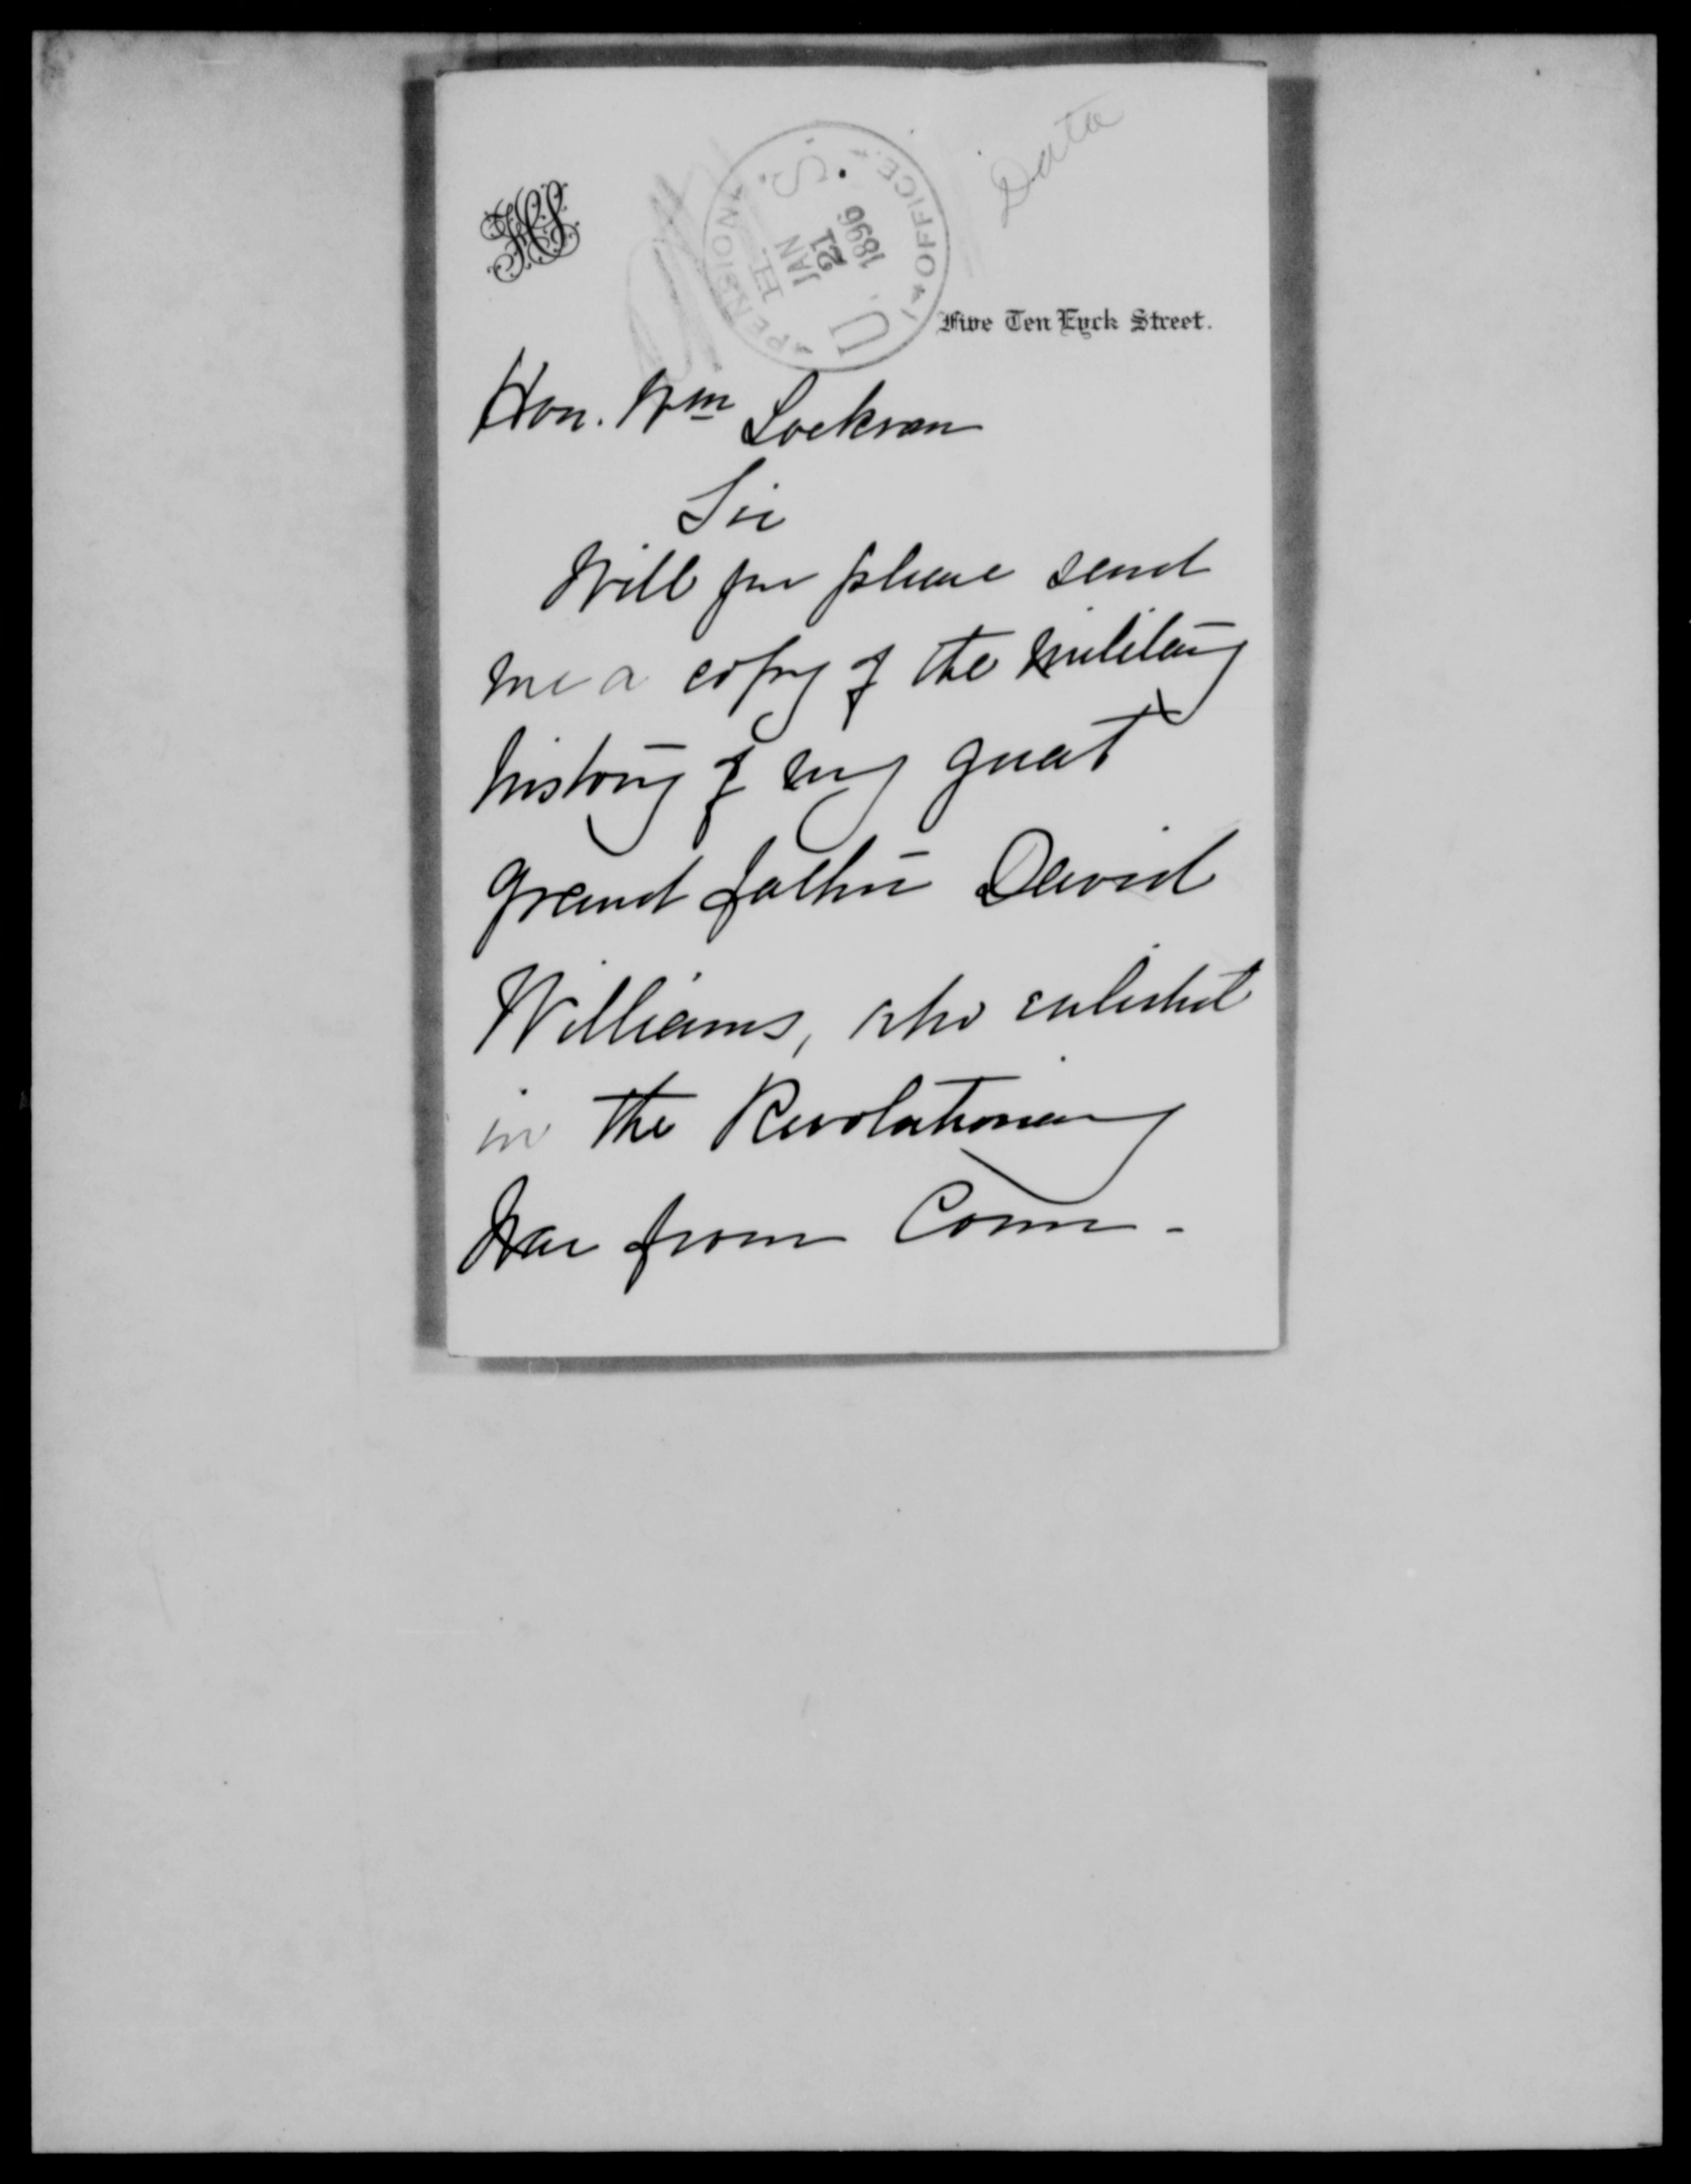(stamp) : Pension Office  U. S. Jan 21 1896

Hon Wm Jackson
Sir
Will you please send me a copy of the military history of any great grandfather David Williams, who enlisted in the Revolutionary War from Conn.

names: Wm Lockran, David Williams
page: 44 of 63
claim: widow's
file: W. 22,632, David Williams, Conn. Continental Privateer